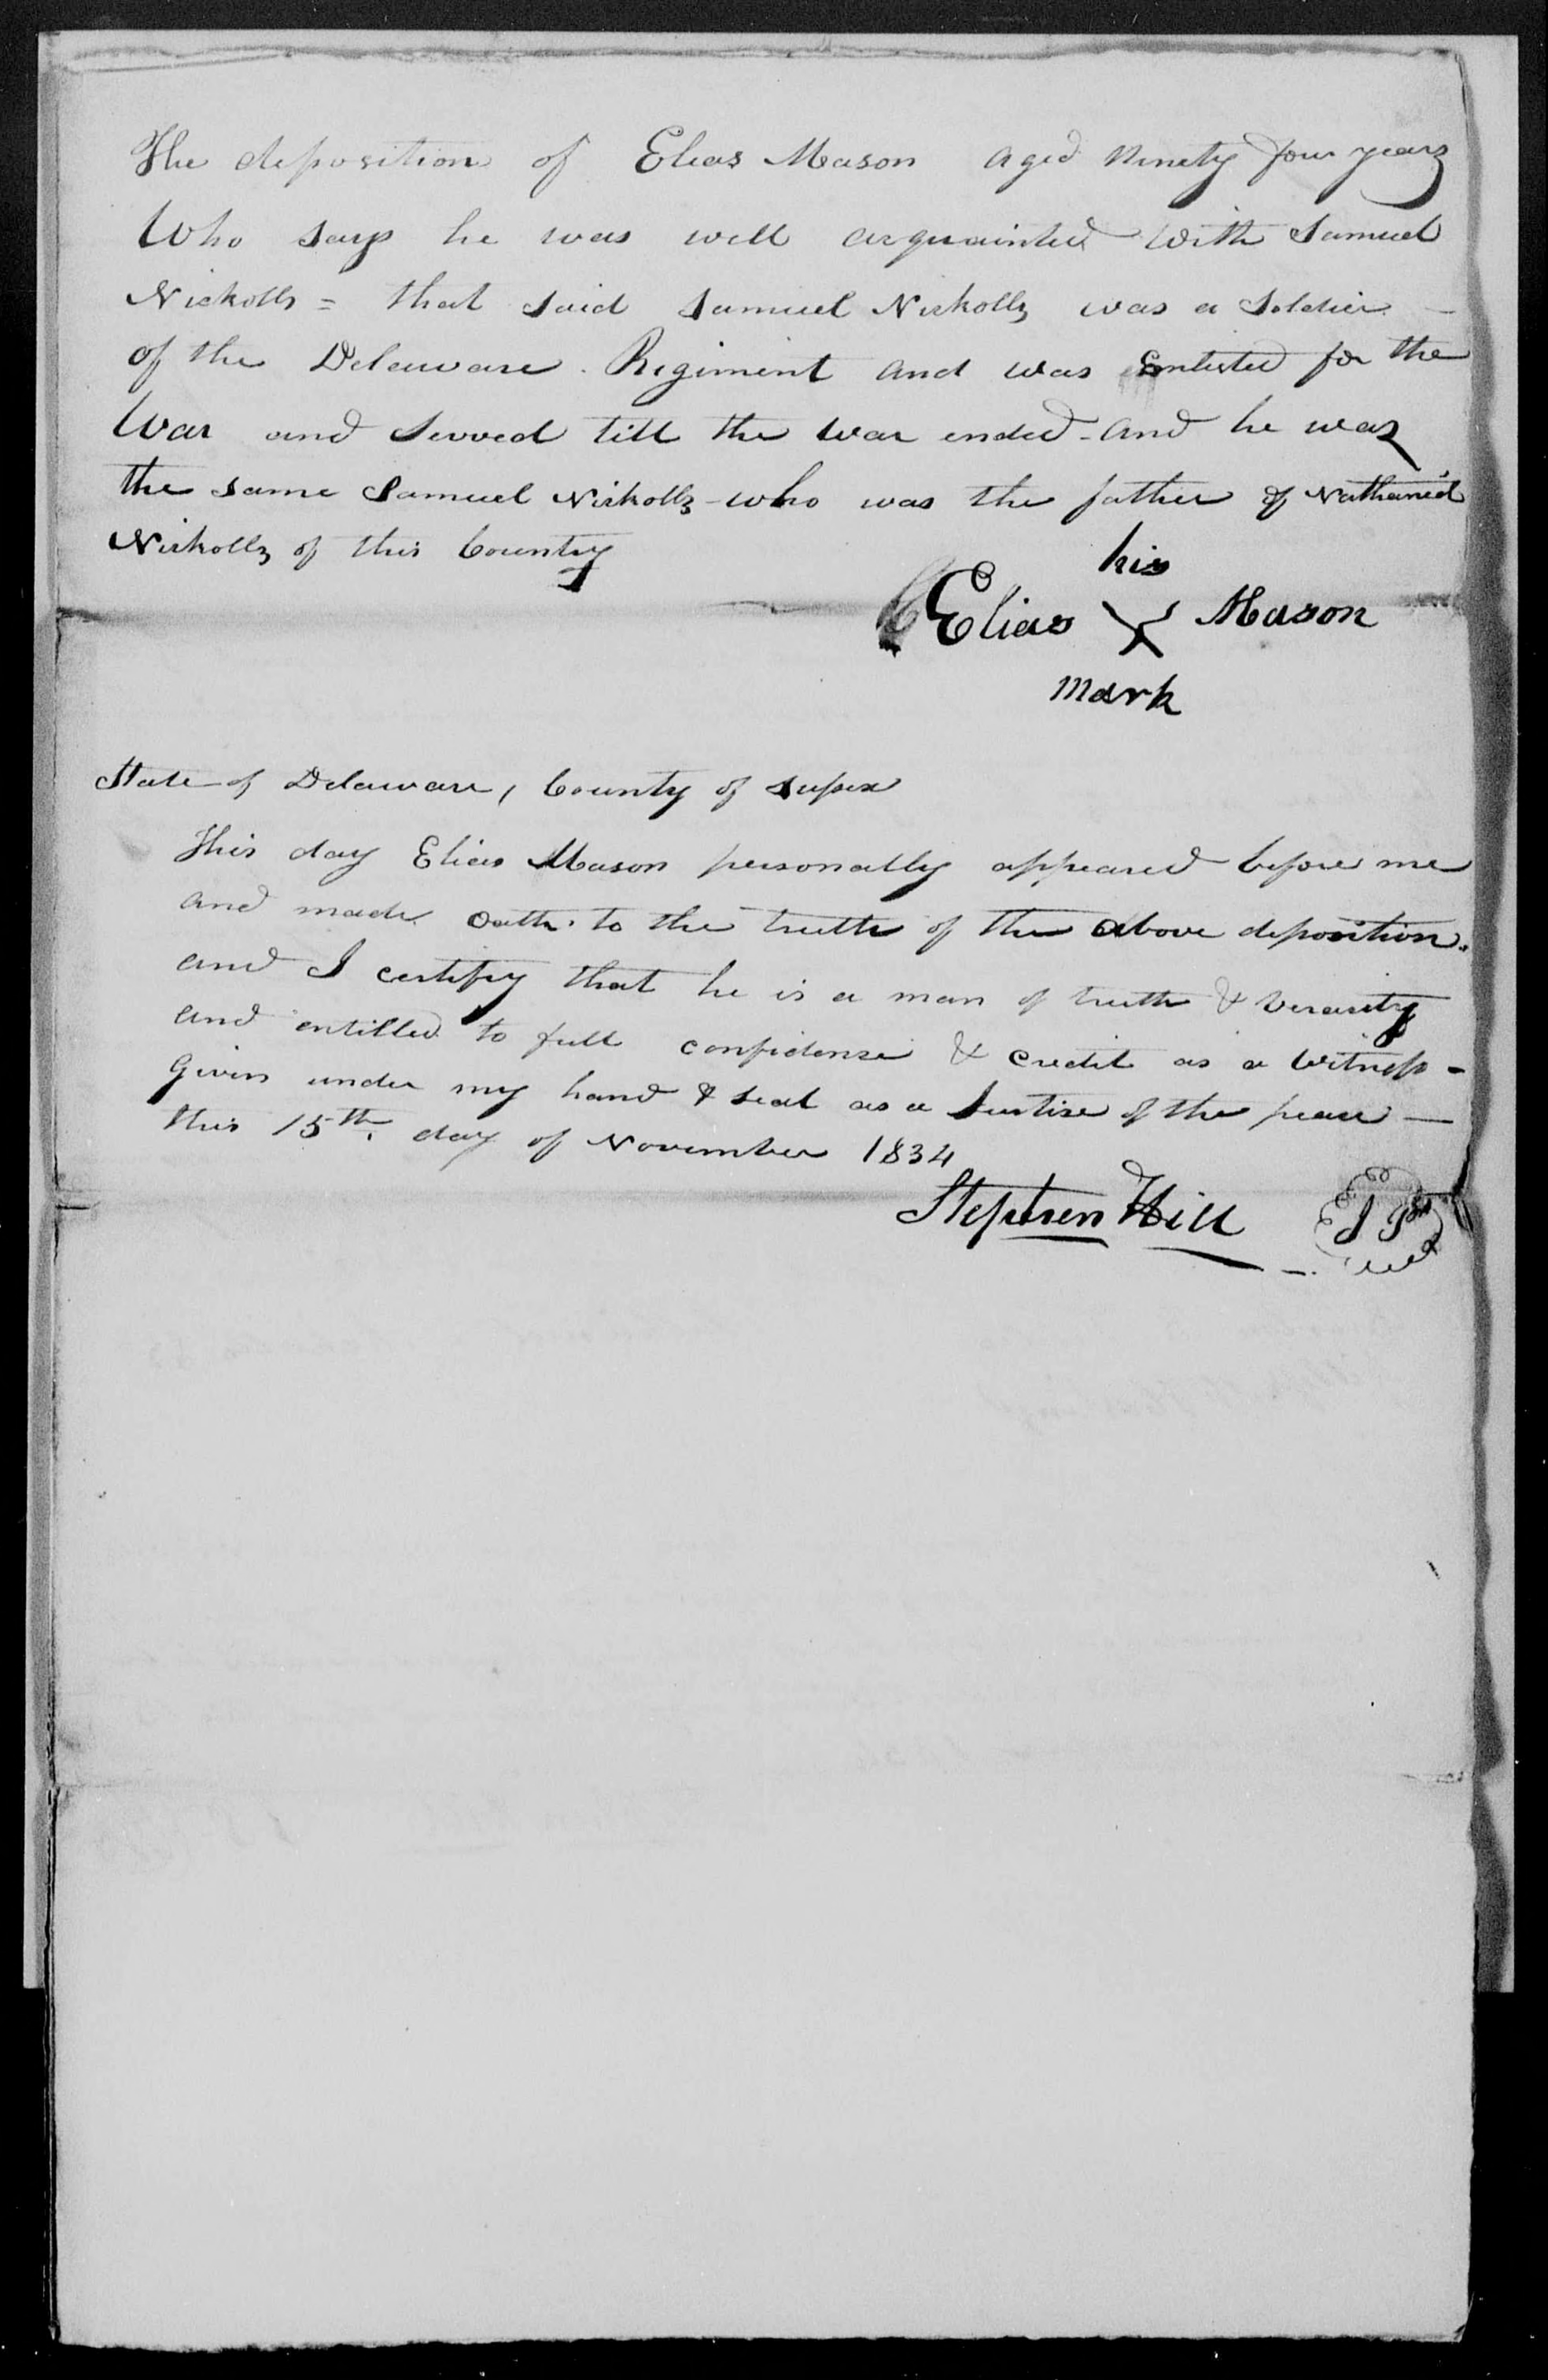[handwritten]

The deposition of Elias Mason aged ninety four years
who says he was well acquainted with Samuel
Nicholls that said Samuel Nicholls was a soldier
of the Delaware Regiment and was enlisted for the 
War and served till the war ended. and he was
the same Samuel Nicholls who was the father of Nathaniel
Nicholls of this County
Elias his X mark Mason

State of Delaware, County of Sussex
This day Elias Mason personally appeared before me 
and made oath to the truth of the above deposition
and I certify that he is a man of truth & veracity
and entitled to full confidence & credit as a witness-
Given under my hand & seal as a Justice of the peace this
15th day of November 1834
Stephen Hill JP [hand circled]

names: Elias Mason; Samuel Nickolls; Nathaniel Nickolls; Stephen Hill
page: 5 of 7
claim: bounty land warrant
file: B. L. Wt. 2078-100, for Samuel Nickolls, Delaware